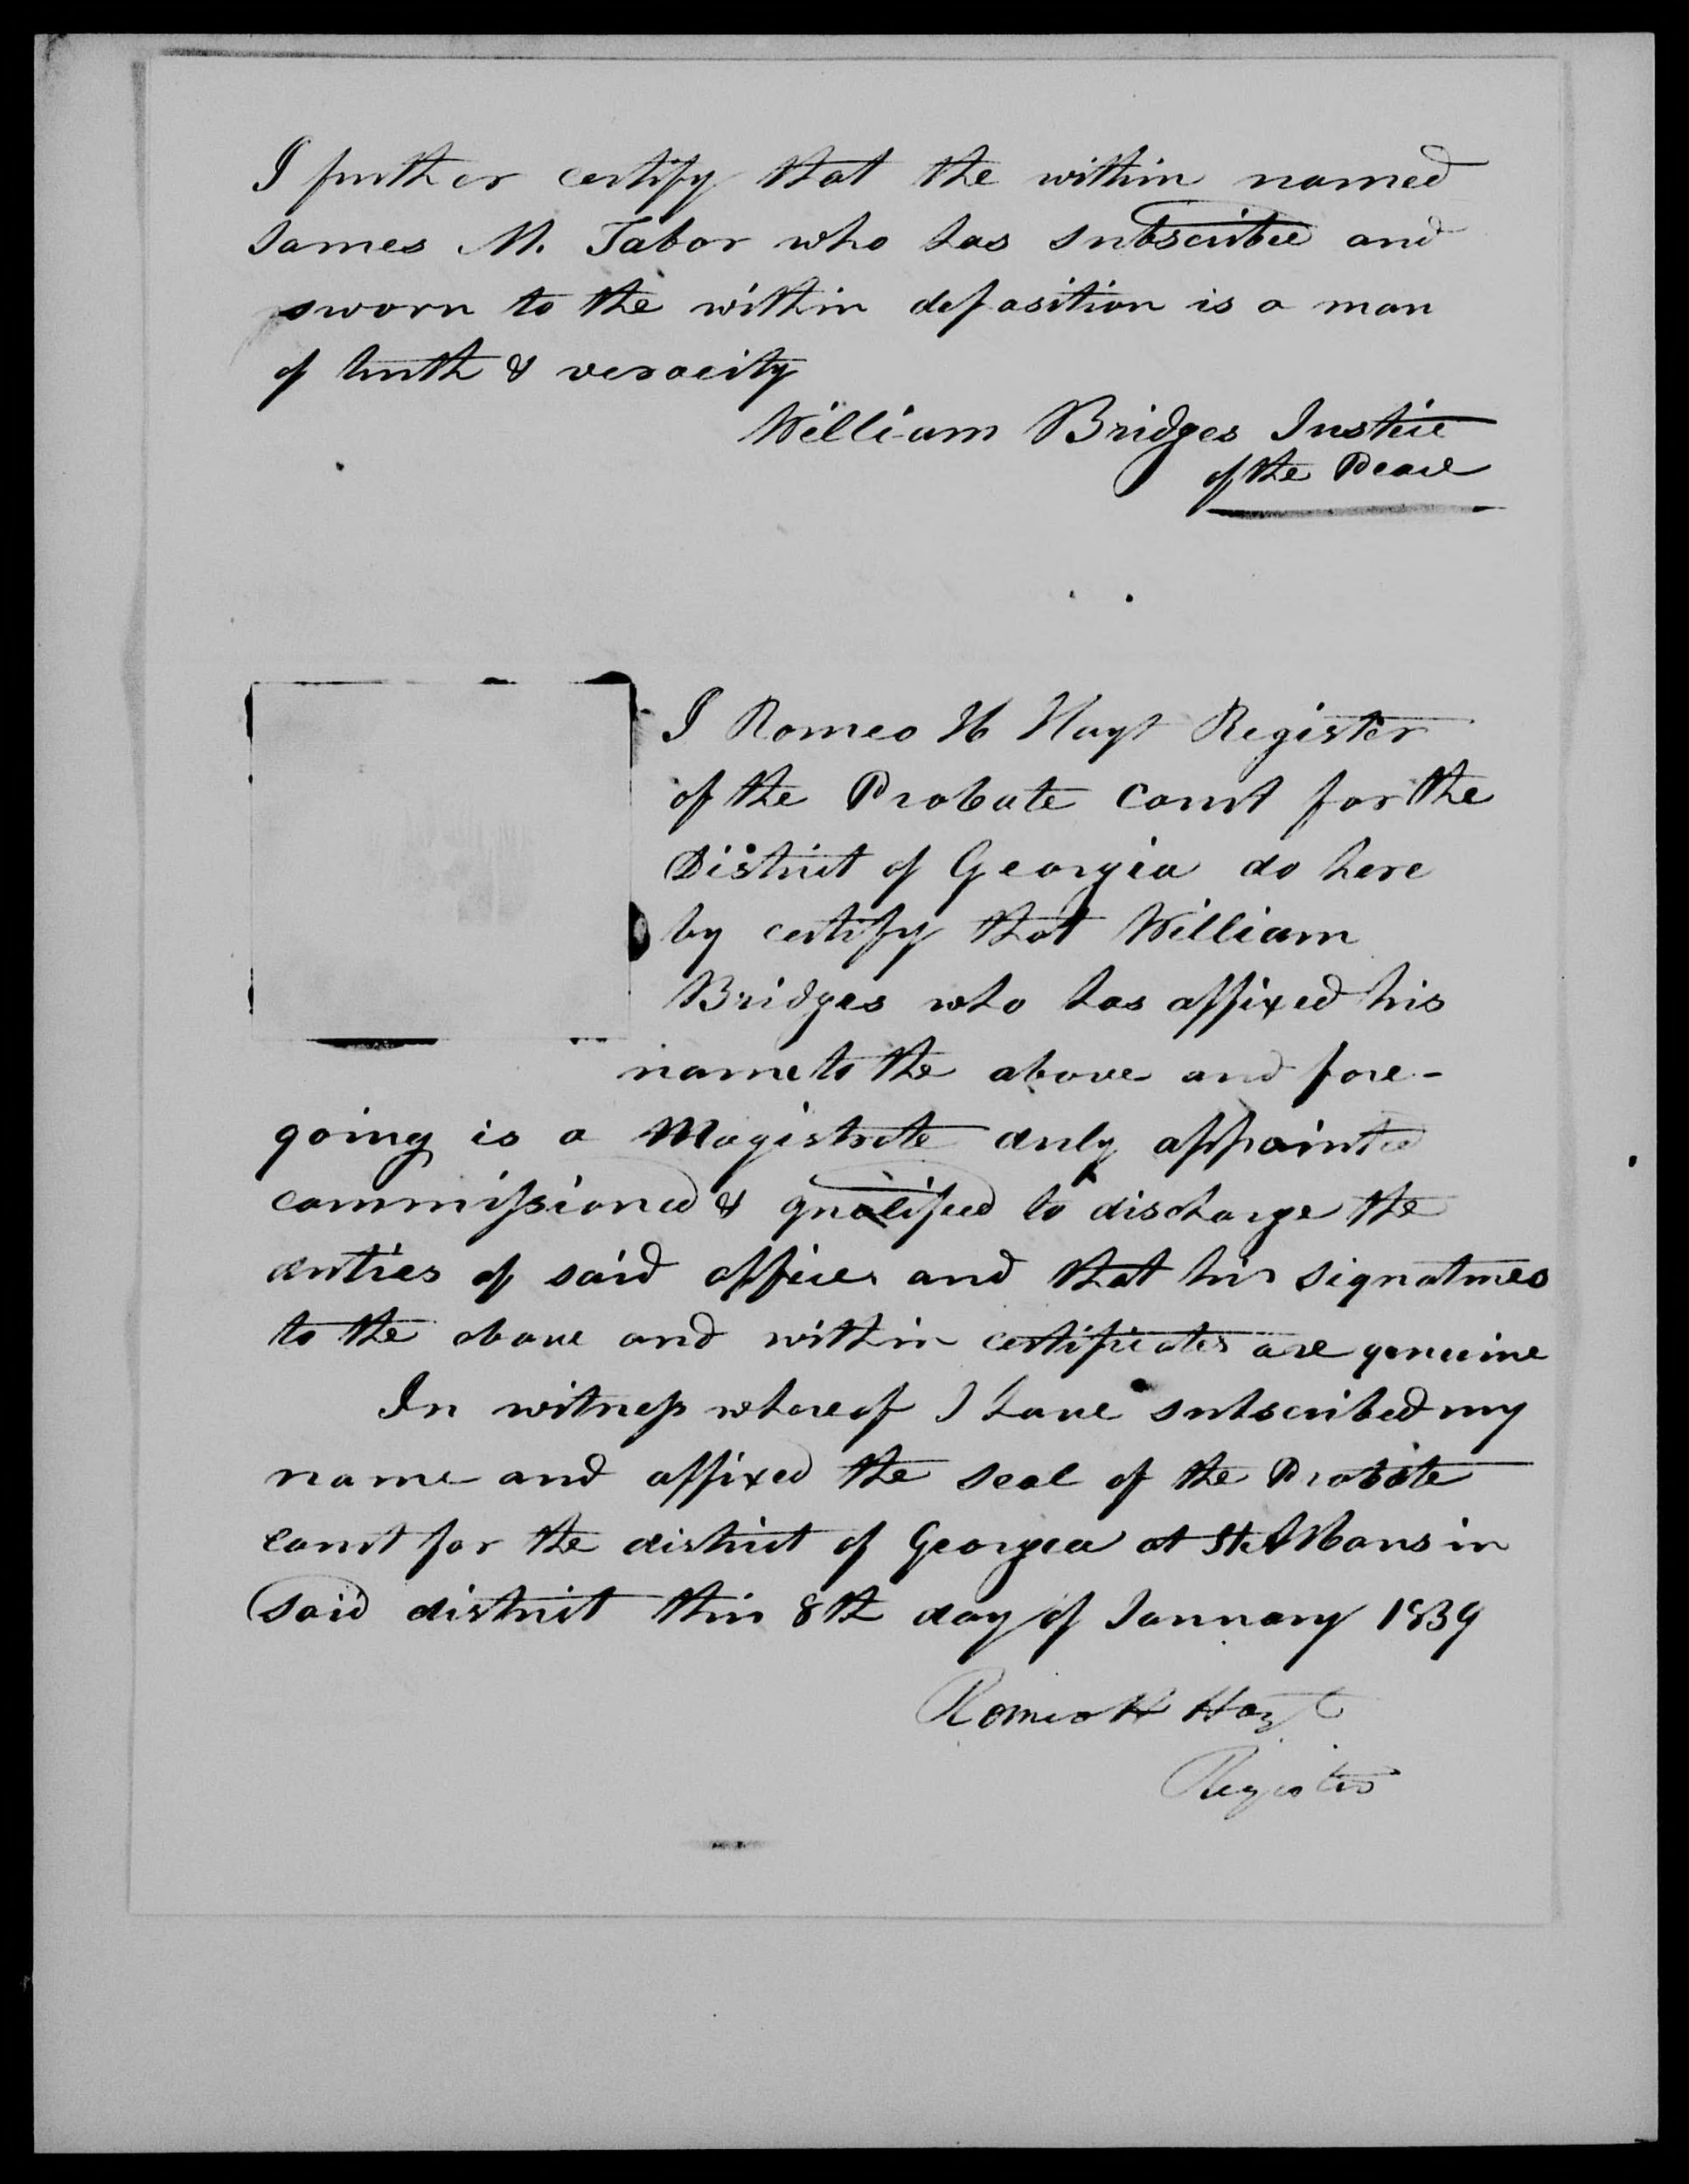(Seal)
I Romeo H. Hayt Register of the Probate Court for the District of Georgia do hereby certify that Williiam who has affixed his name to the above and foregoing is a magistrate duly appointed commissioned & qualified to discharge the duties of said office and that his signature to the above and within certificates are genuine.
In witness whereof I have subscribed my name and affixed the seal of the Probate Court for district of Georgia at St. Albans in said district this 8th day of January 1839
Romeo H. Hayt
Register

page: 23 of 41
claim: widow's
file: W 26507, for Church Tabor, Massachusetts